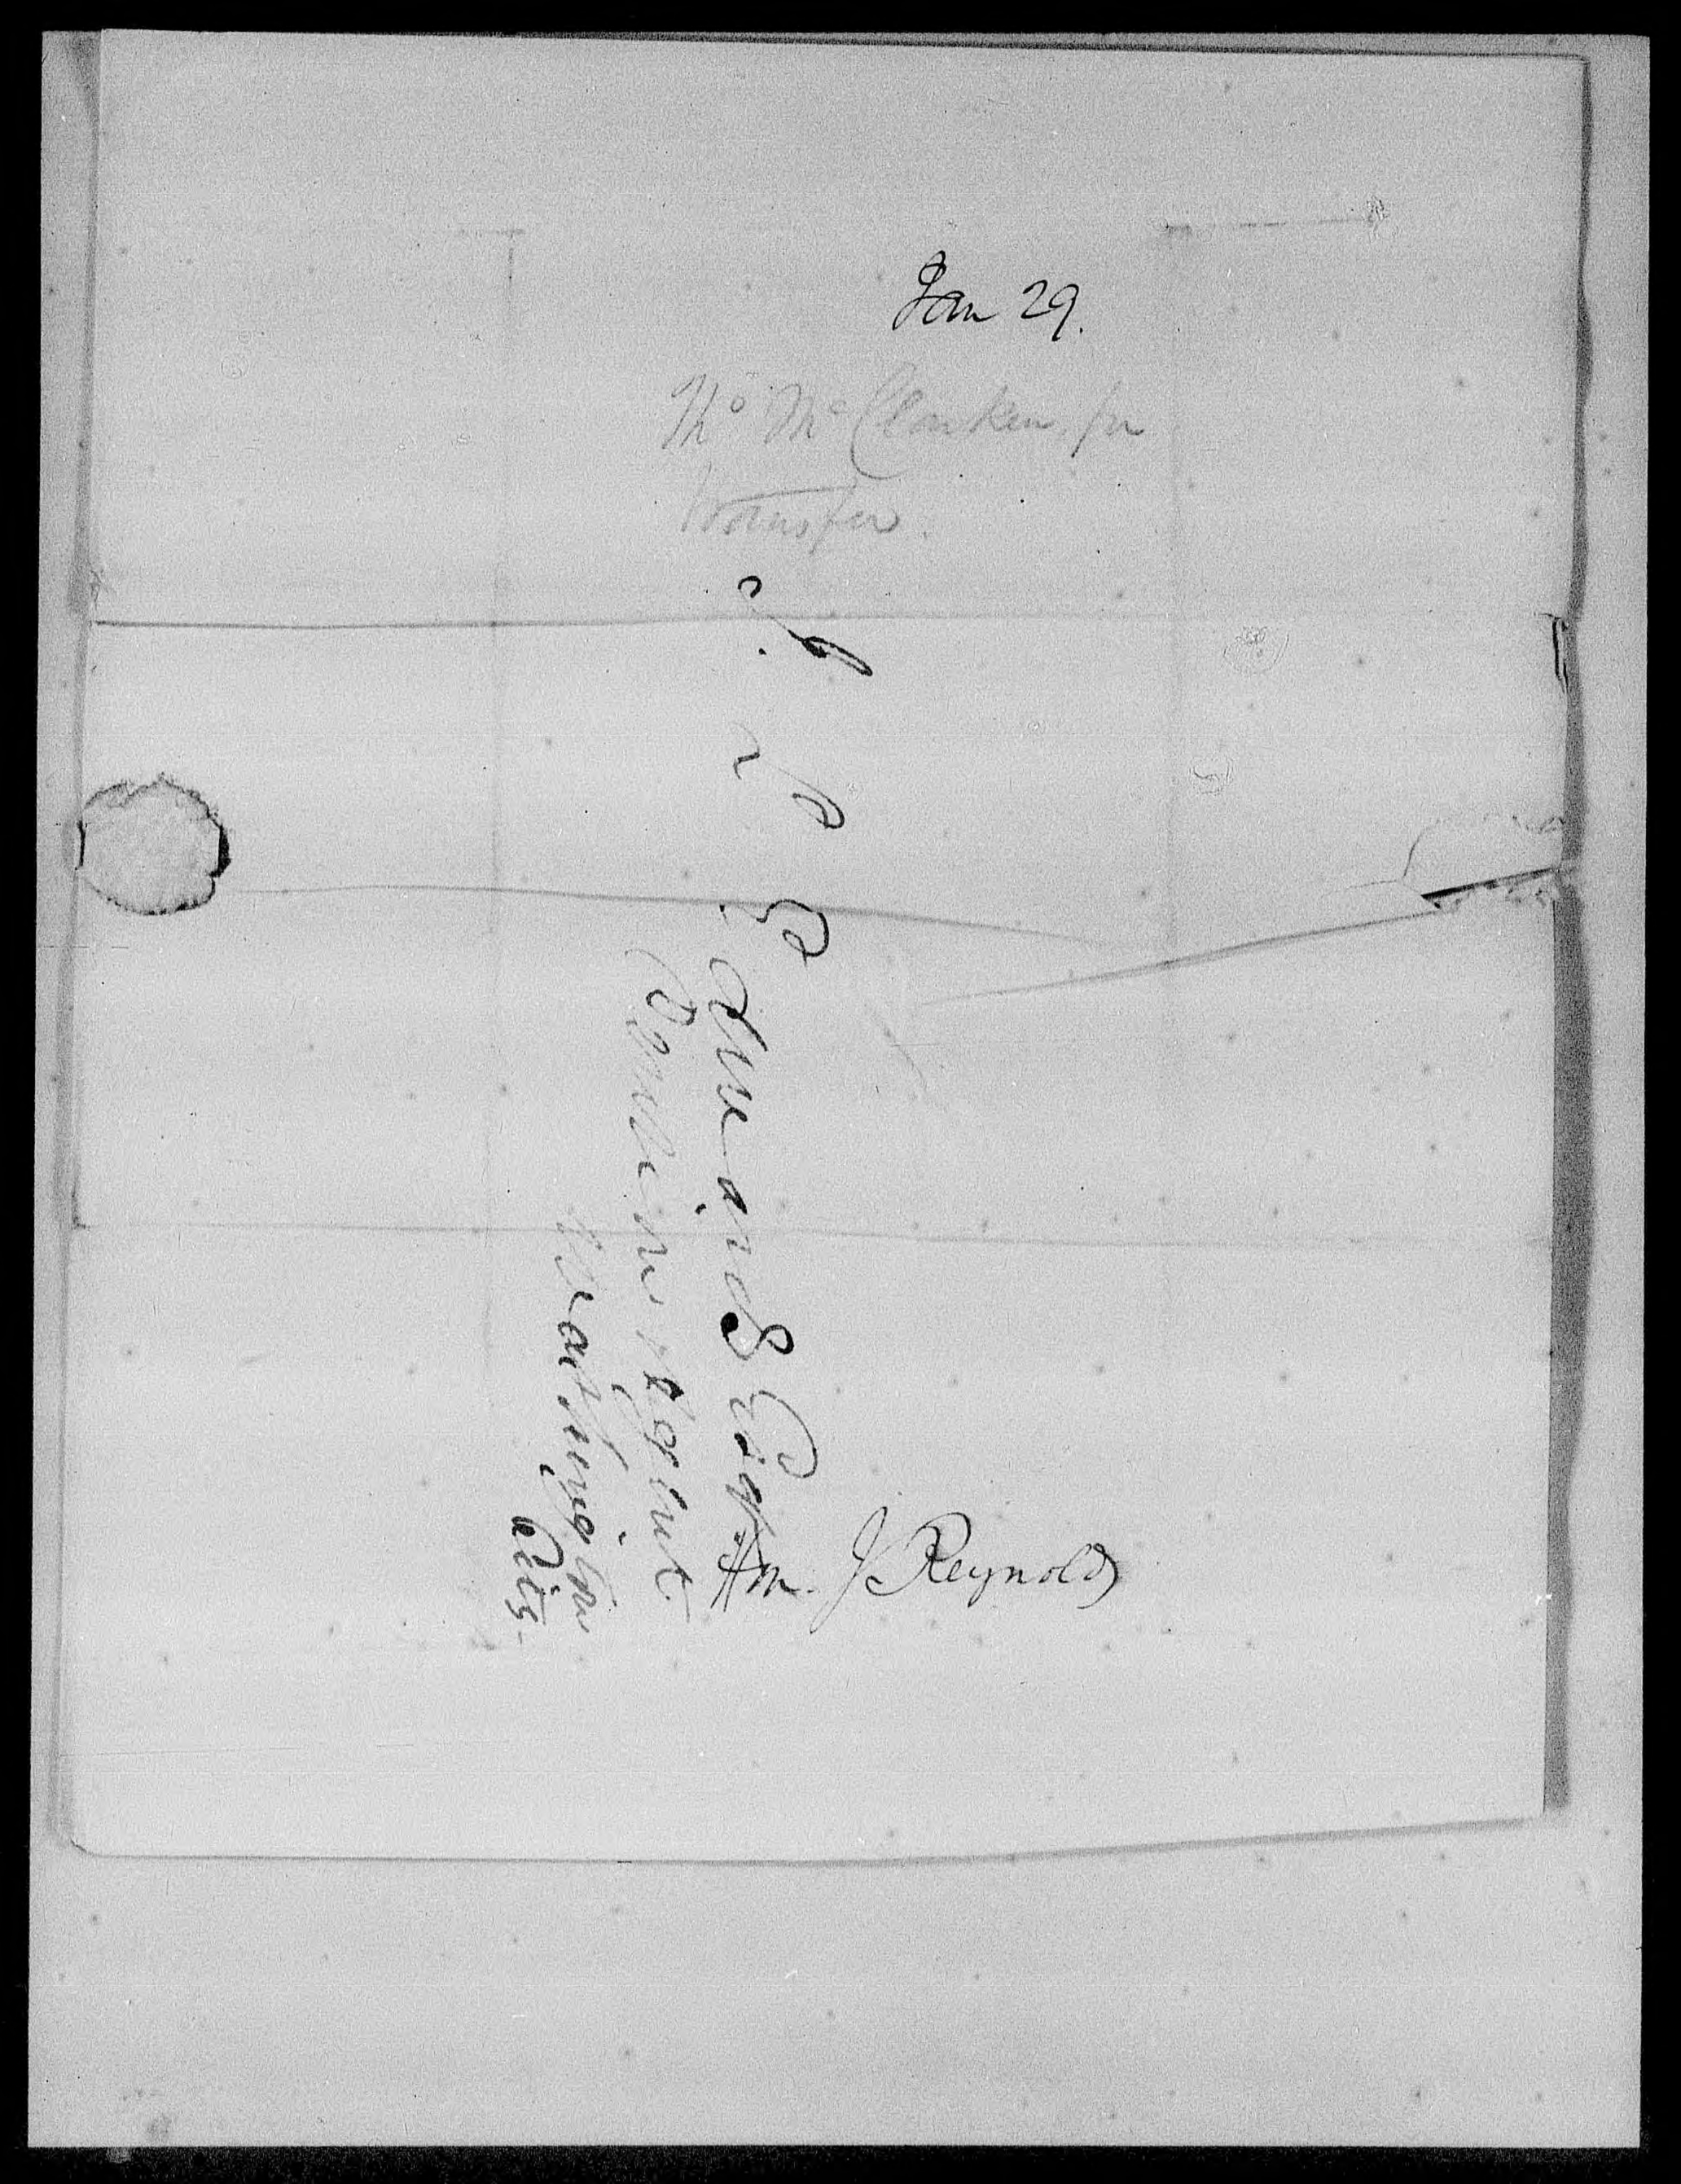Jan 29 
Tho McClarken
transfer

J.L. Eswards Esq
Pension Regmt
Washington

Hon. J. Reynolds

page: 36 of 93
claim: widow's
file: W. 21792, for Thomas Mc Clurken, South Carolina